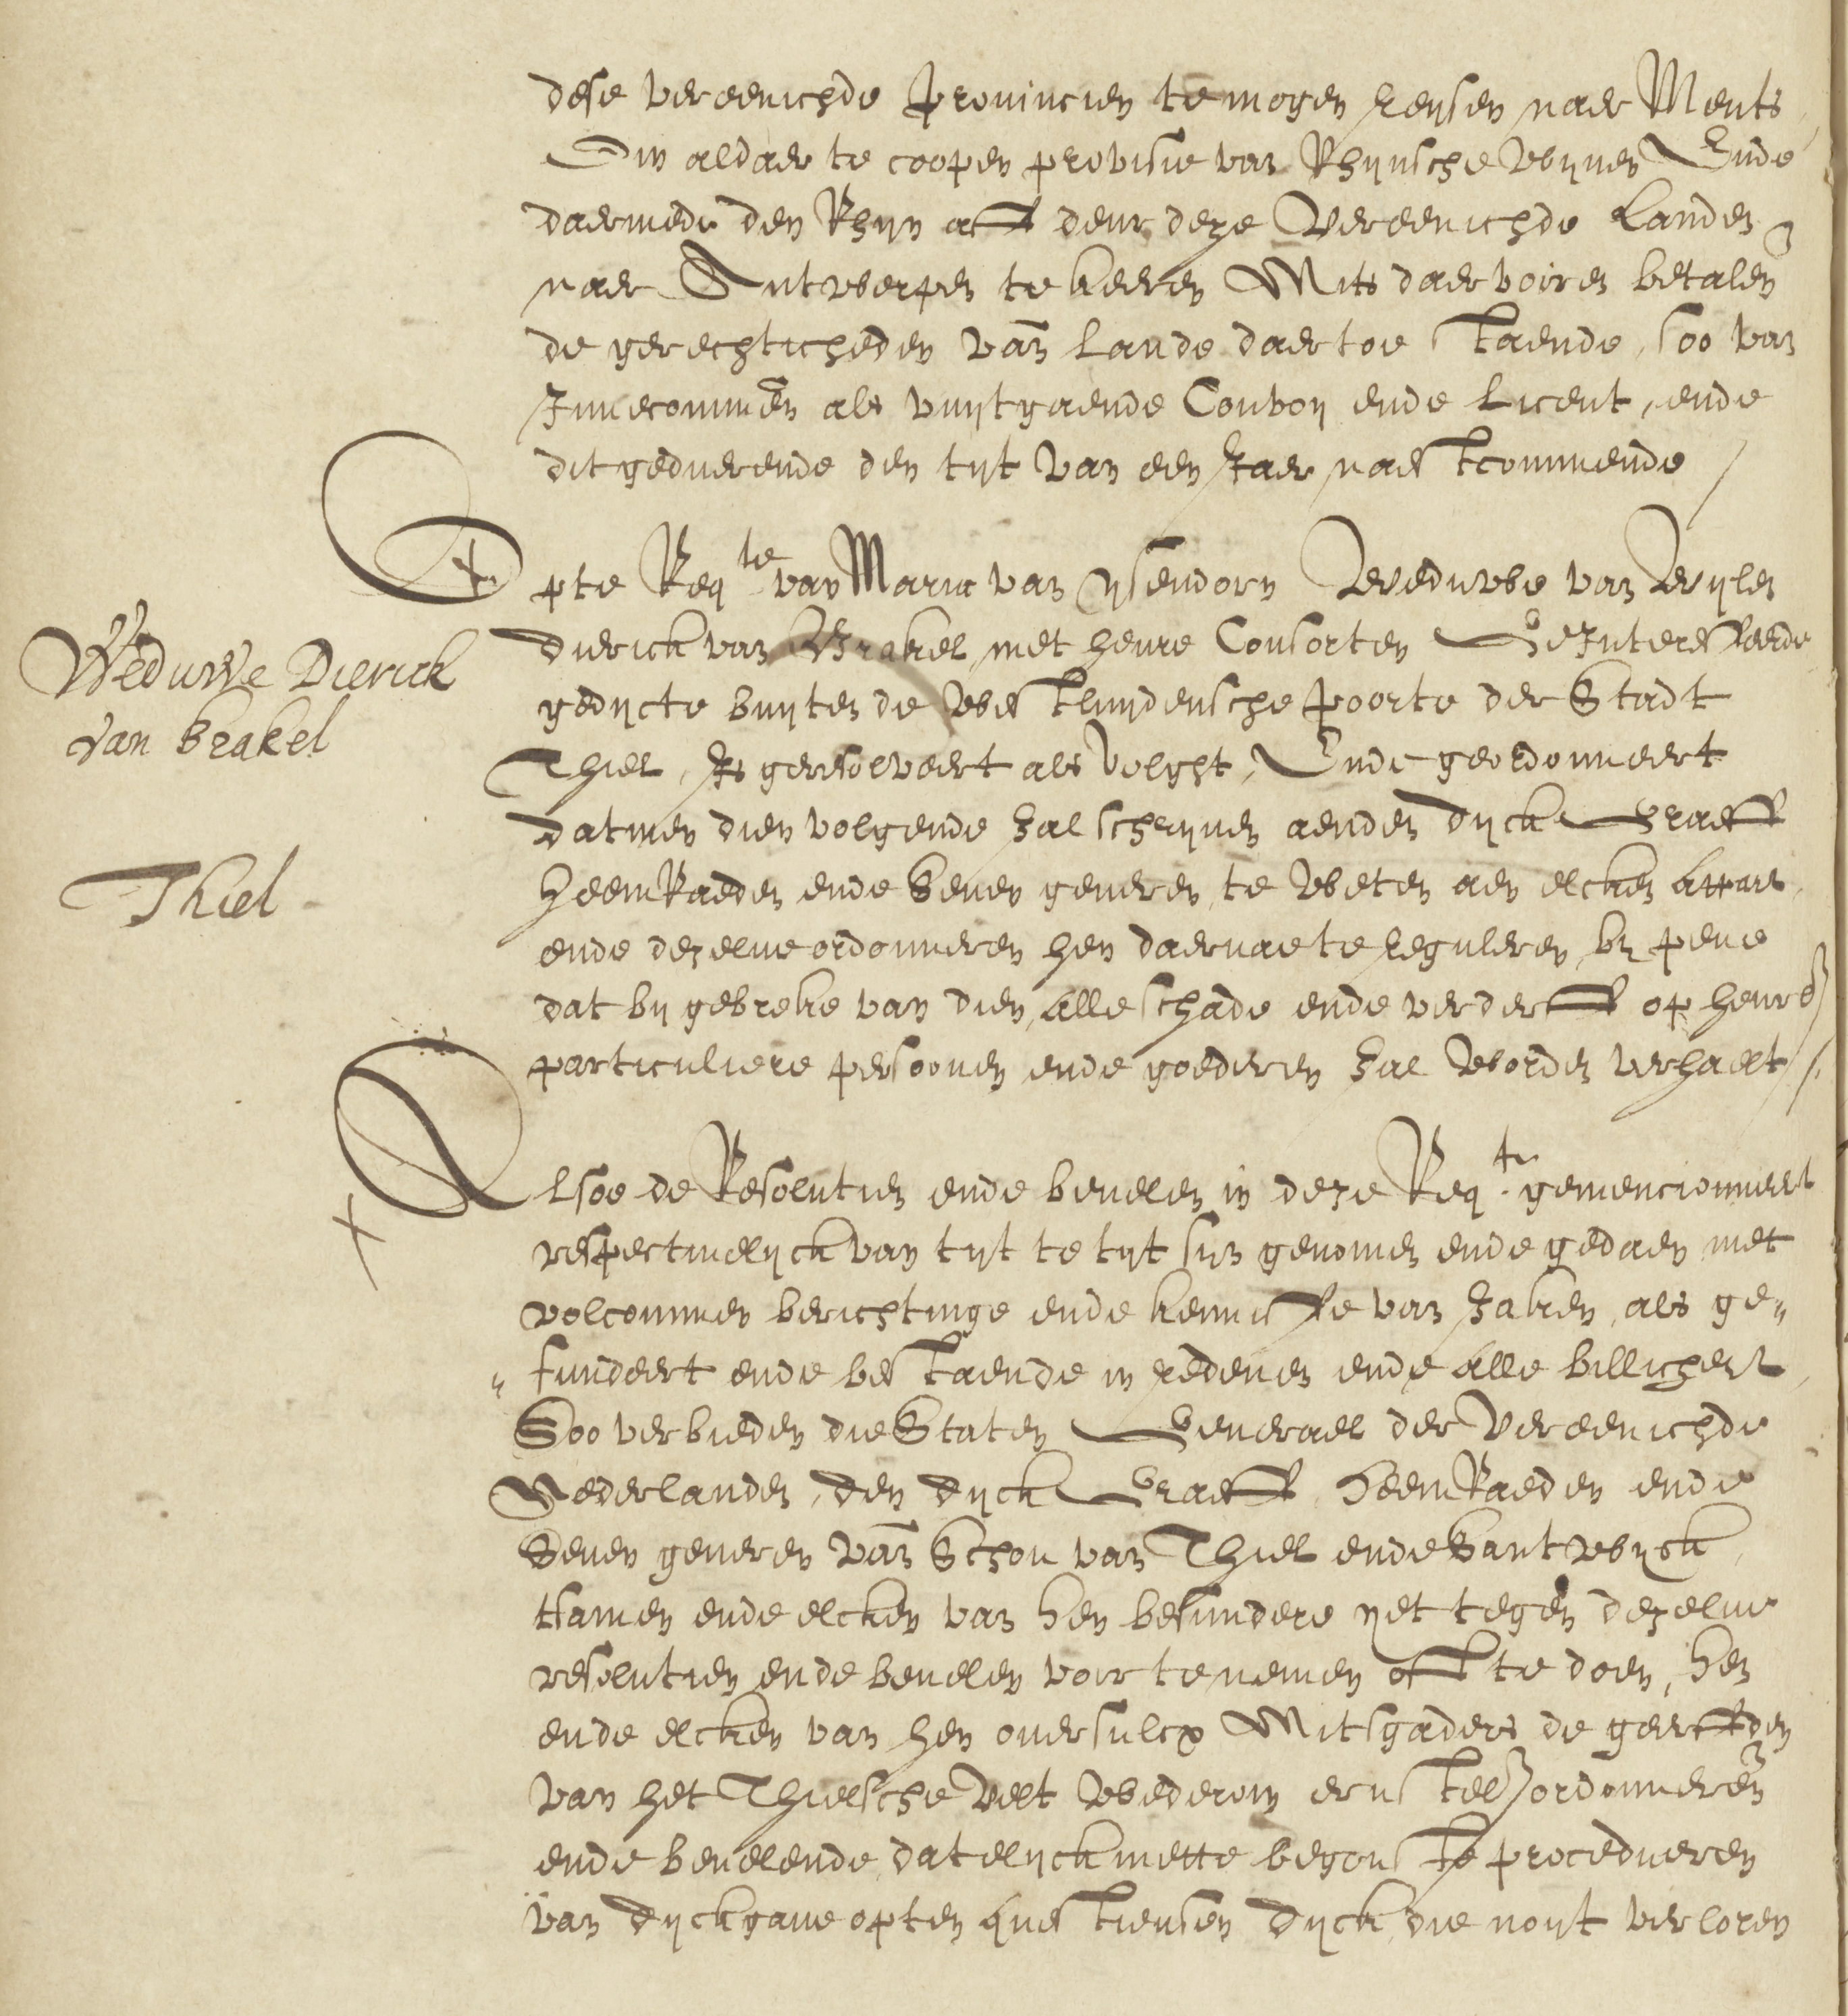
dese vereenichde prouincien te mogen reysen, naer Ments
om aldaer te coopen provisie van Rhynsche wynen Ende
daermede den Ryn aff deur deze Vereenichde Landen
naer Antwerpen te keeren mits daervoiren betalen
de gerechticheden van lande daertoe staende, soo van
Innecommen als vuytgaende Convoy ende Licent, ende
dit geduerende den tyt van een jaer naestcommende.
Weduwe Dierick
van Brakel
Thiel
Opte Reqte van Maria van Ysendorn weduwe van wylen
dierick van Brakel, met heure Consorten Geinteresteerde
gedycte buyten de westluydensche poorte der Stadt
Thiel, Is geresolveert als volght. Ende geordonneert
datmen dien volgende zal schryuen aenden dyckgraeff
heemRaeden ende seven geueren te weten aen elcken appart
ende dezelue ordonneren hen daernae te reguleren, by pene
dat by gebreke van dien, alle schade ende verderff op heurl
particuliere persoonen ende goederen zal worden verhaelt.
Alsoe de Resolutien ende beuelen in deze Reqte. gementionneert
respectiuelyck van tyt te tyt syn genomen ende gedaen met
volcommen berichtinge ende kennisse van zaken, als ge„
„fundeert ende bestaende in redenen ende alle billicheyt
Soo verbieden die Staten Generael der Vereenichde
Nederlanden, den dyckgraeff, Heemraeden ende
Seuen geueren van Schou van Thiel ende Santwyck
tsamen ende elcken van hen besundere nyet tegen dezelue
resolutien ende beuelen voir te nemen offte doen, hen
ende elcken van hen ouersulcx Mitsgaders de geerffden
van het Thielsche Velt wederom ernstel ordonneren
ende beuelende datelyck mette begonste procedueren
van dyckgrave opten questieusen dyck die noyt verloren
